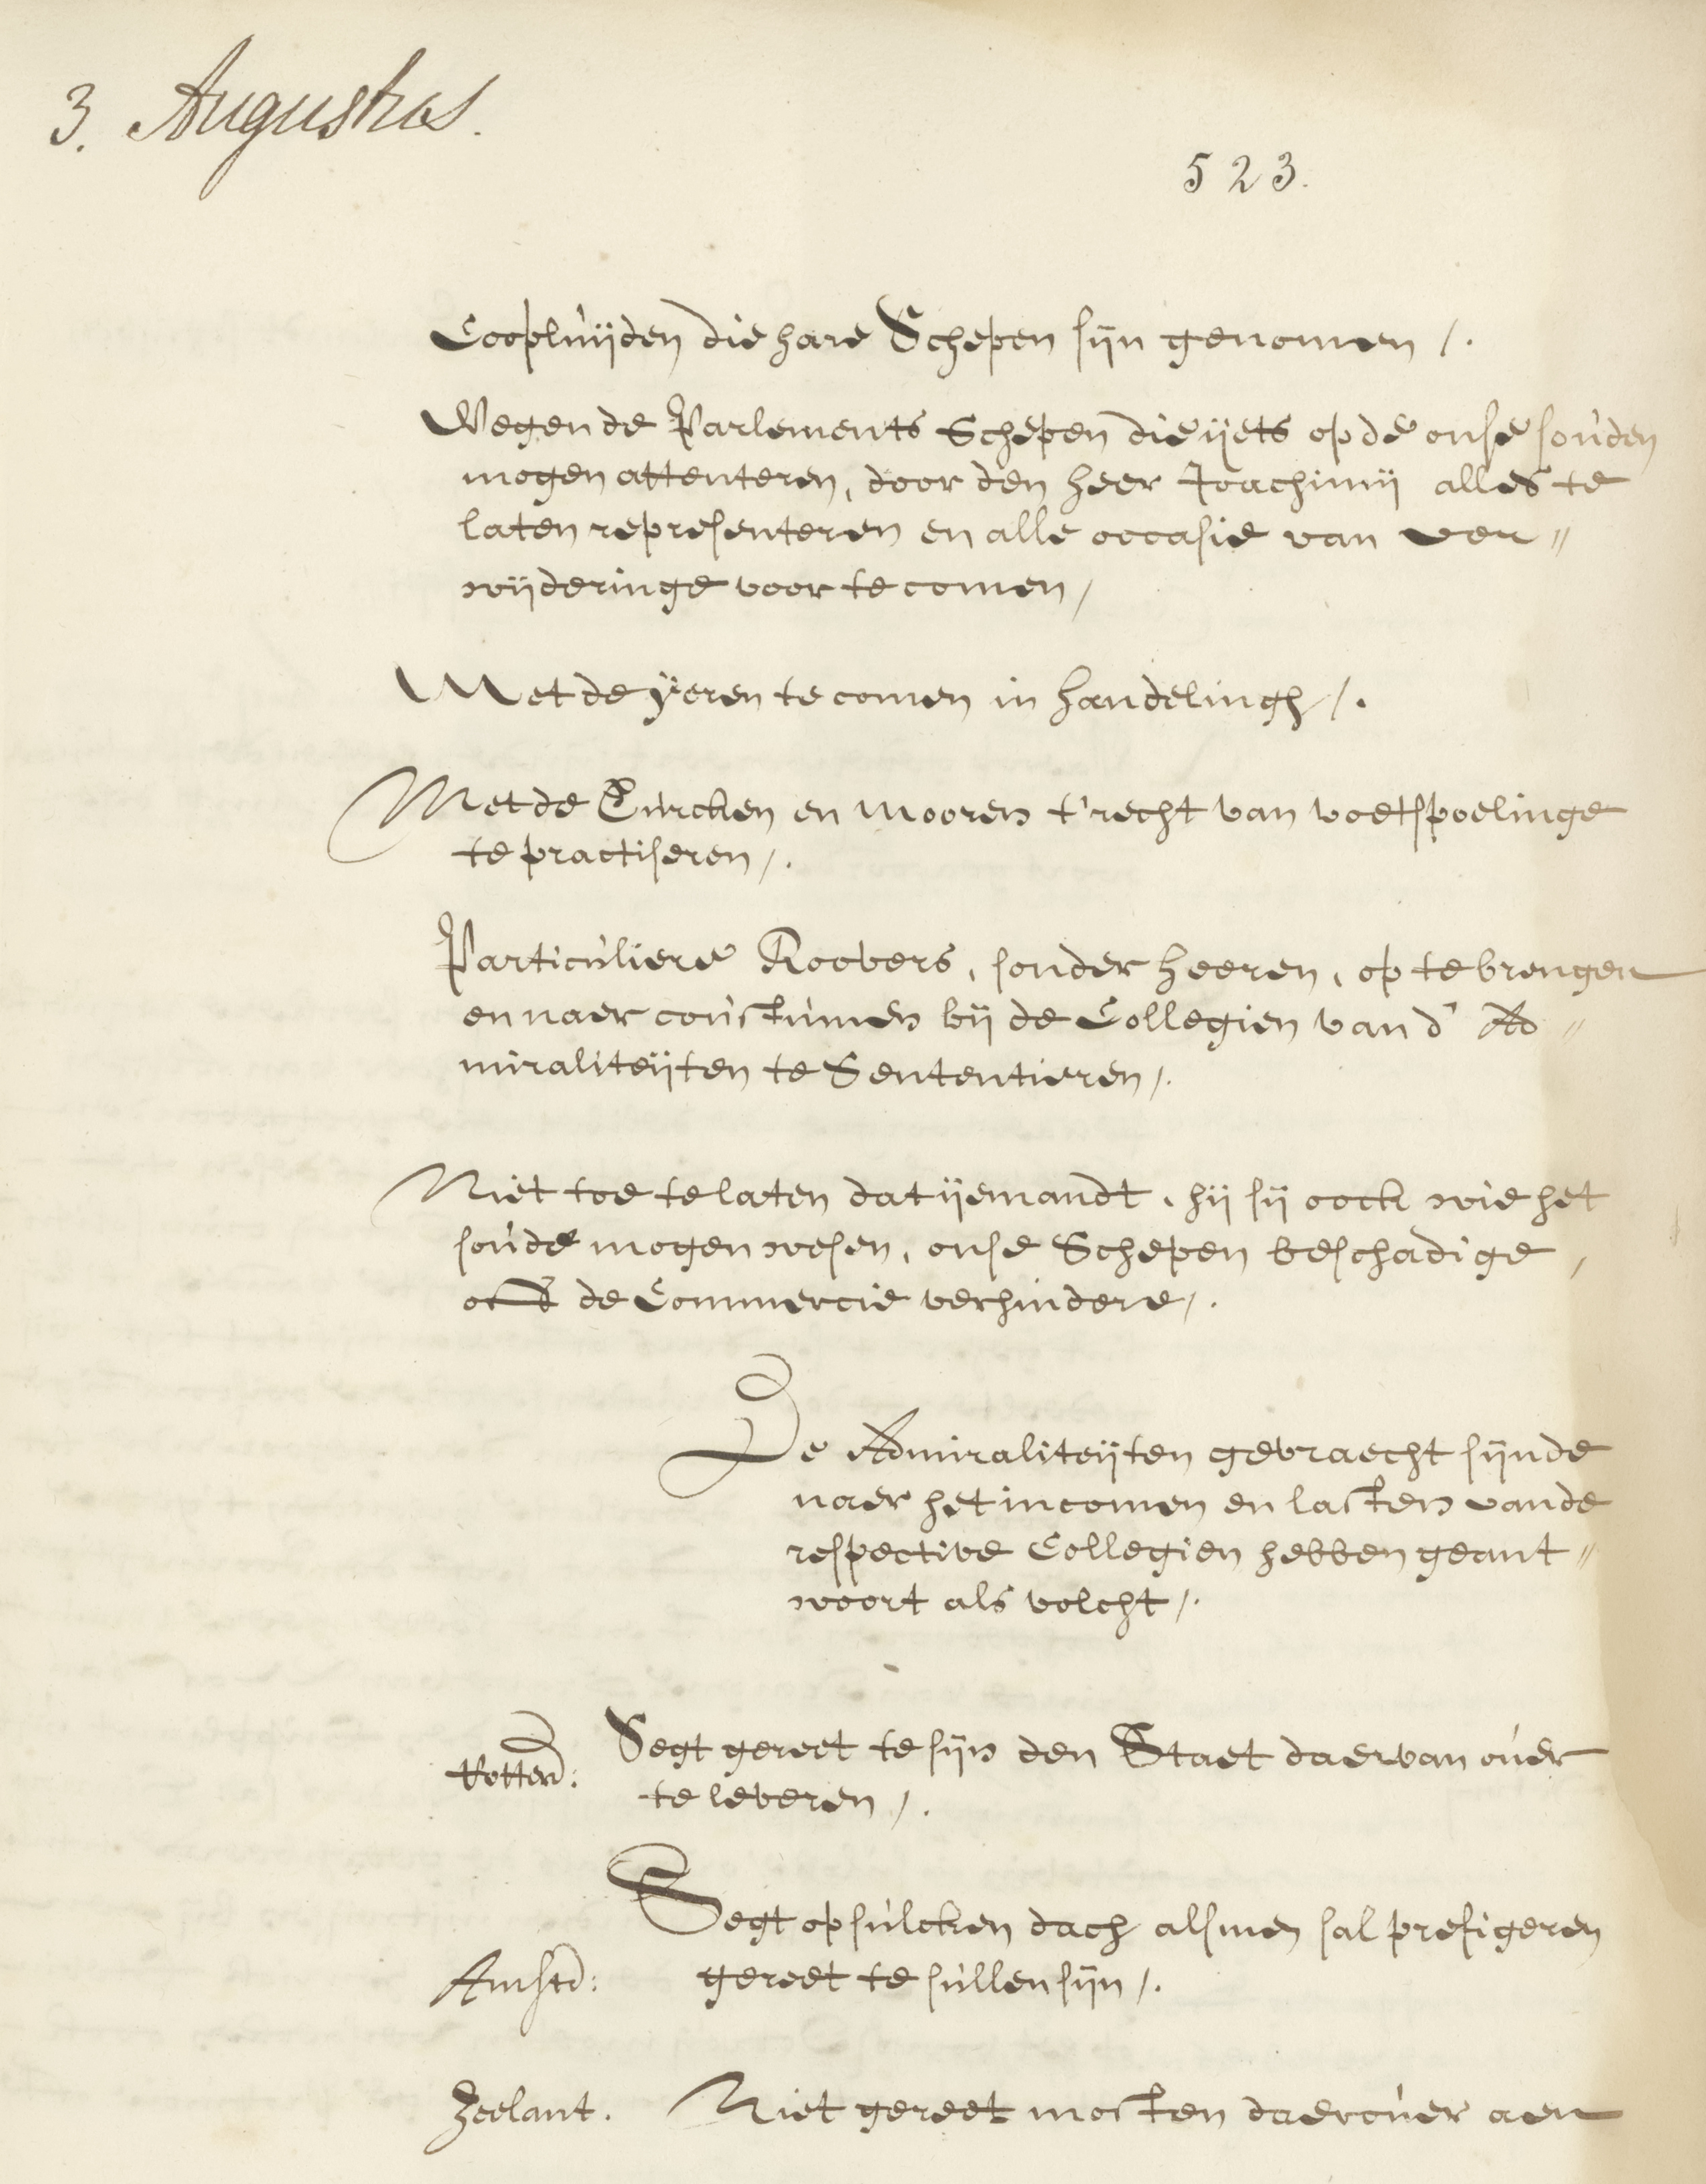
523.
3. Augustus.
Coopluijden die hare Schepen sijn genomen.
Wegen de Parlements Schepen die ijets op de onse souden
mogen attenteren, door den heer Joachimij alles te
laten representeren en alle occasie van ver„
wijderinge voor te comen.
Met de ijeren te comen in handelingh.
Met de Turcken en mooren t'recht van voetspoelinge
te practiseren.
Particuliere Roovers, sonder heeren, op te brengen
en naer coustumen bij de Collegien van d'Ad„
miraliteijten te Sententieren.
Niet toe te laten dat ijemandt, hij sij oock wie het
soude mogen wesen, onse Schepen beschadige
off de Commercie verhindere.
De Admiraliteijten gevraecht sijnde,
naer het incomen en lasten vande
respective Collegien hebben geant„
woort als volcht.
Rotterd:
Segt gereet te sijn den Staet daervan ouer
te leveren.
Amstd:
Segt op sulcken dach alsmen sal prefigeren
gereet te sullen sijn.
Zeelant.
Niet gereet mosten daerouer aen
